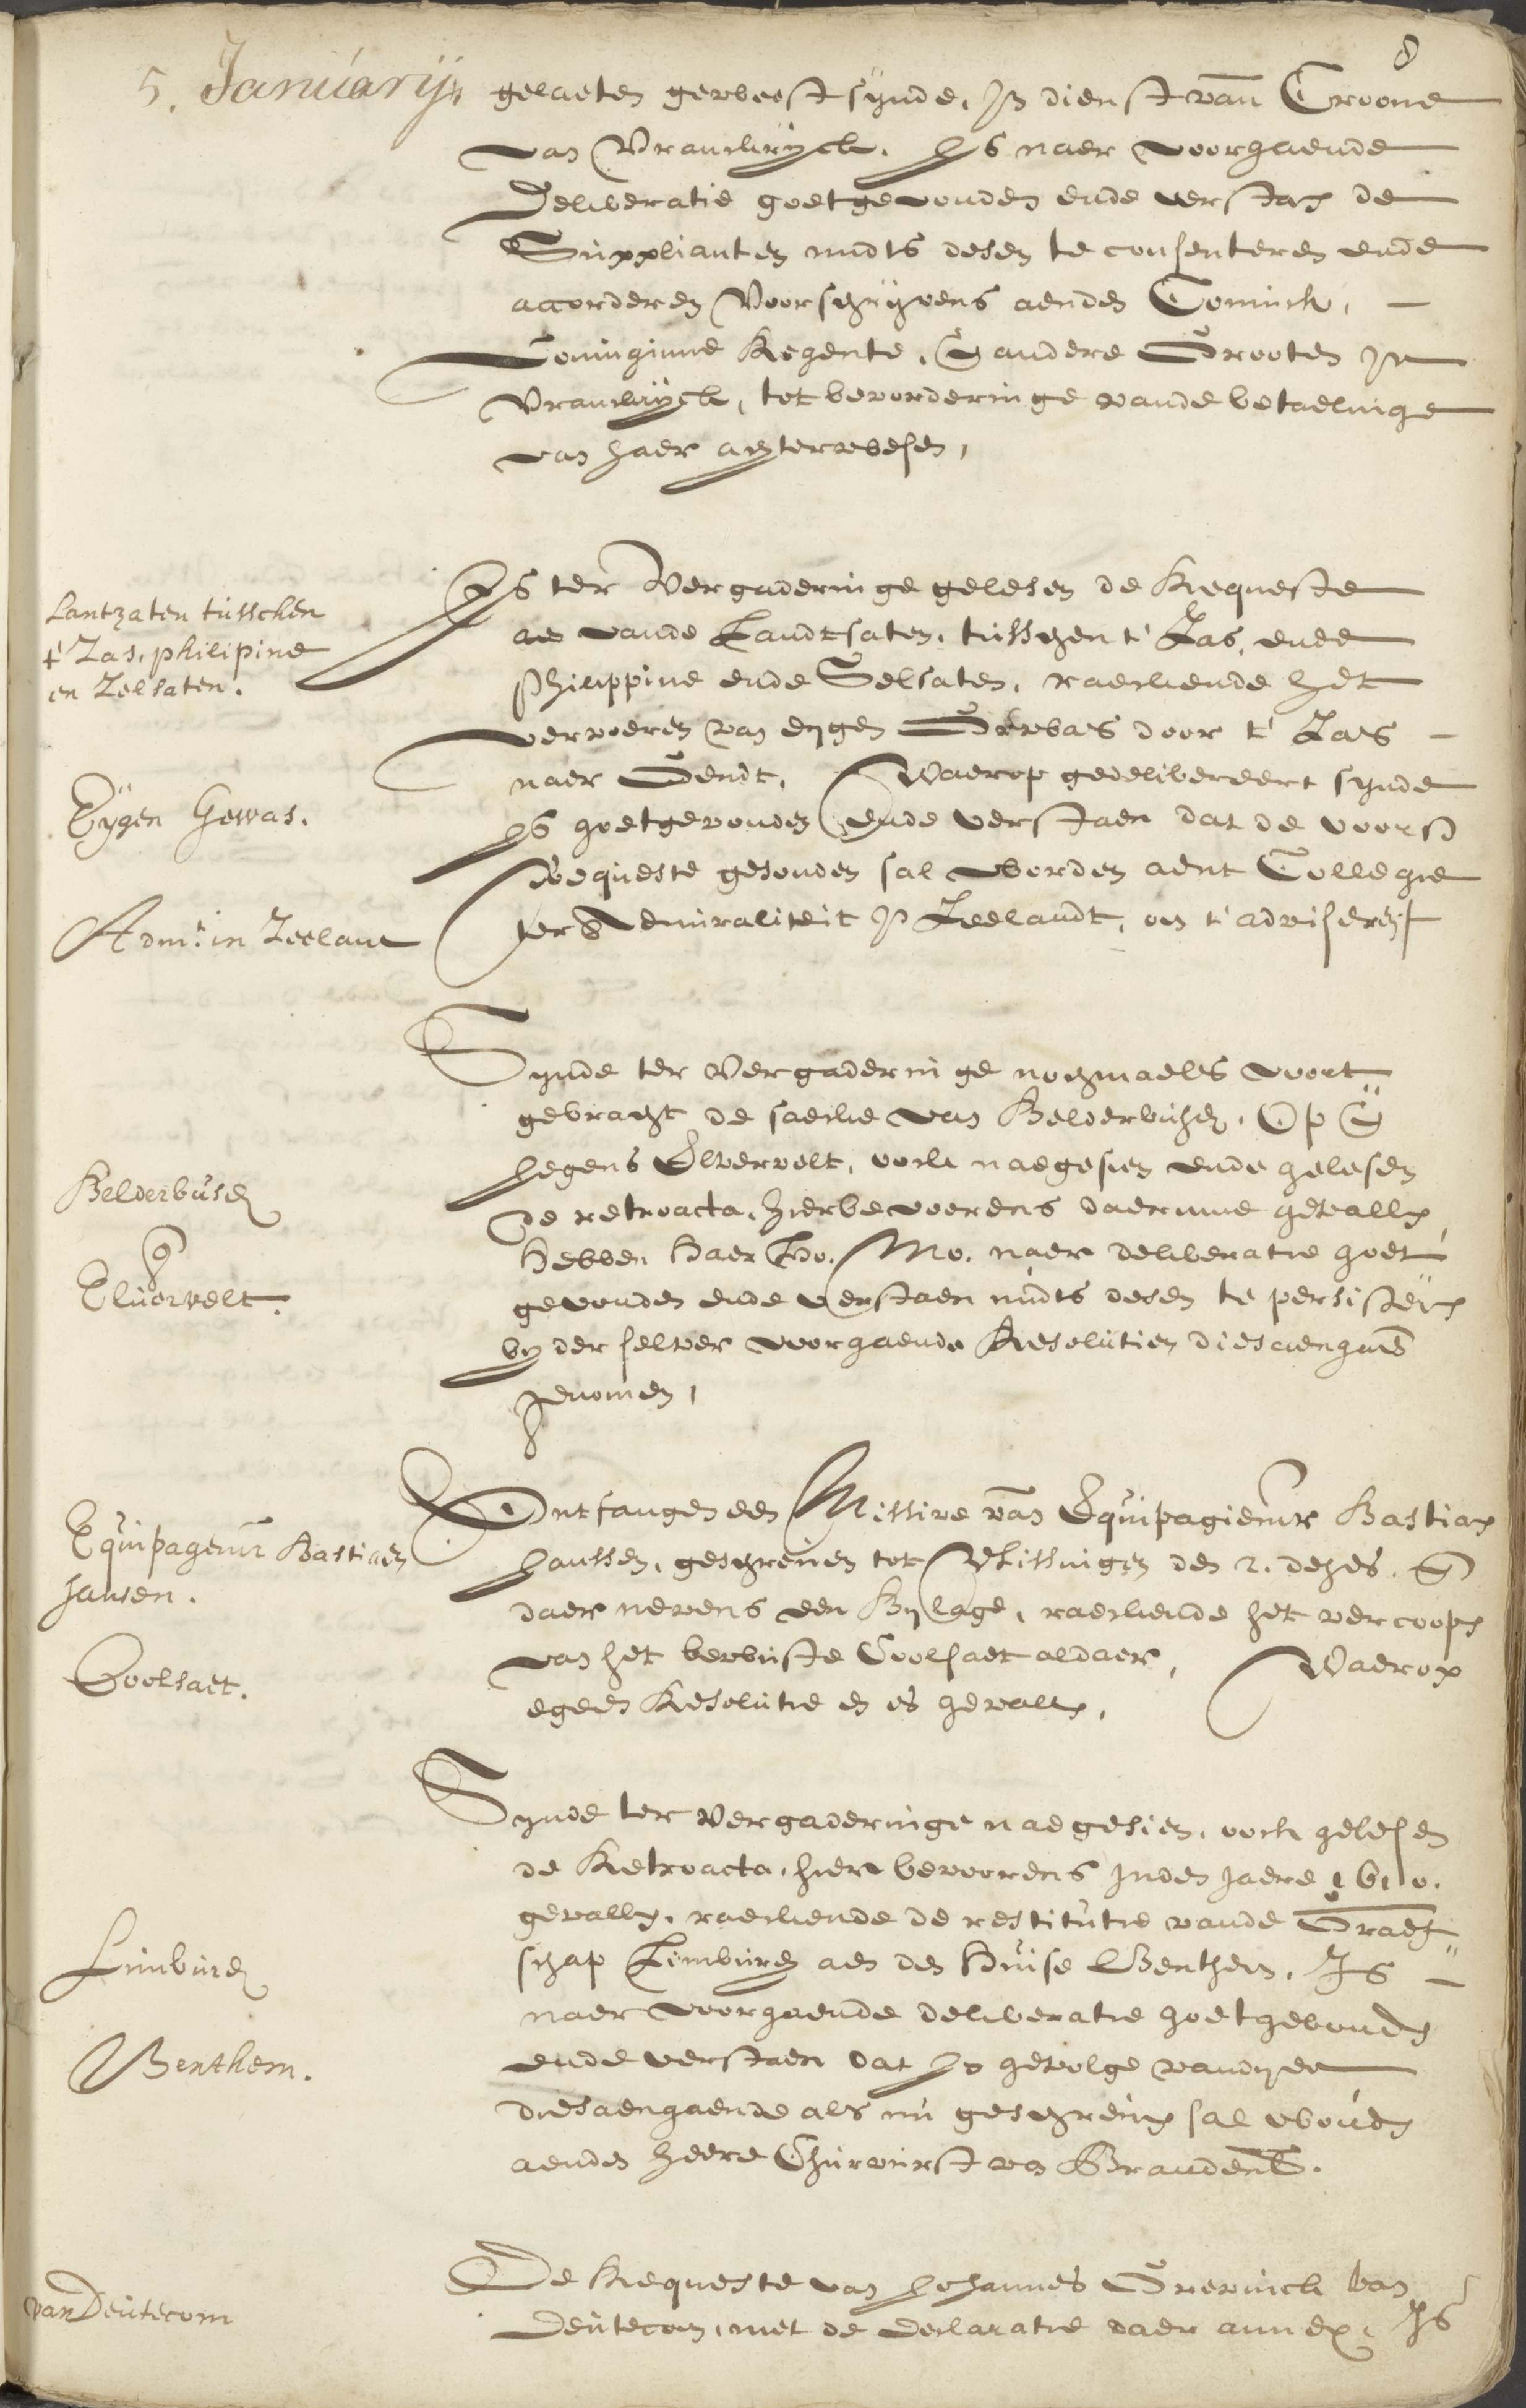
8
5. Januarij
gelaeten geweest sijnde, In dienst van Croone
van Vranckrijck. Is naer voorgaende
deliberatie goetgevonden ende verstaen de
Supplianten midts desen te consenteren ende
accorderen Voorschrijvens aenden Coninck, —
Coninginne Regente, & andere Grooten in
Vranckrijck, tot bevorderinge vande betaelinge
van haer achterwesen.
Lantzaten tusschen
t‛ Zas, philipine
en Zelsaten.
Eijgen Gewas.
Admt. in Zeelant
Is ter Vergaderinge gelesen de Requeste
aen vande Landtsaten, tusschen t‛ Zas ende
Philippine ende Selsaten, raeckende het
vervoeren van eygen Gewas door t‛ Zas —
naer Gendt. Waerop gedelibereert synde
Is goetgevonden ende verstaen dat de voors
Requeste gesonden sal worden aent Collegie
ter Admiraliteit in Zeelandt, om t' adviseren.
Belderbuse
ca.
Eluervelt.
Synde ter Vergaderinge nochmaels voort„
gebracht de saecke van Belderbuse, Op &
Jegens Elvervelt, oock naegesien ende gelesen
de retroacta hierbevoorens daerinne gevallen,
hebben Haer Ho.Mo. naer deliberatie goet„
gevonden ende verstaen midts desen te persisteren
by der selver voorgaende Resolutien diesaengaen
genomen.
Eqiupagemr Bastiaen
Jansen.
Coolsaet.
Ontfangen een Missive van Equipagiemr Bastiaen
Janssen, geschreuen tot Vlissingen den 2. deses, &
daer nevens een Bijlage, raeckende het vercoopen
van het bewuste Coolsaet aldaer. Waerop
egeen Resolutie en es gevallen.
Limburch
Benthem.
Synde ter Vergaderinge naegesien, oock gelesen
de Retroacta, hier bevoorens Inden Jaere 1610.
gevallen, raeckende de restitutie vande Graef„
schap Limburch aen den Huise Benthem, Is —
naer voorgaende deliberatie goetgevonden
ende verstaen dat in gevolge vandyer
diesaengaende als nu geschreven sal wouden
aenden heere Churvurst van Brandenb.
van Deutecom
De Requeste van Johannes Grevinck van
Deutecom, met de Declaratie daer annex, Is
